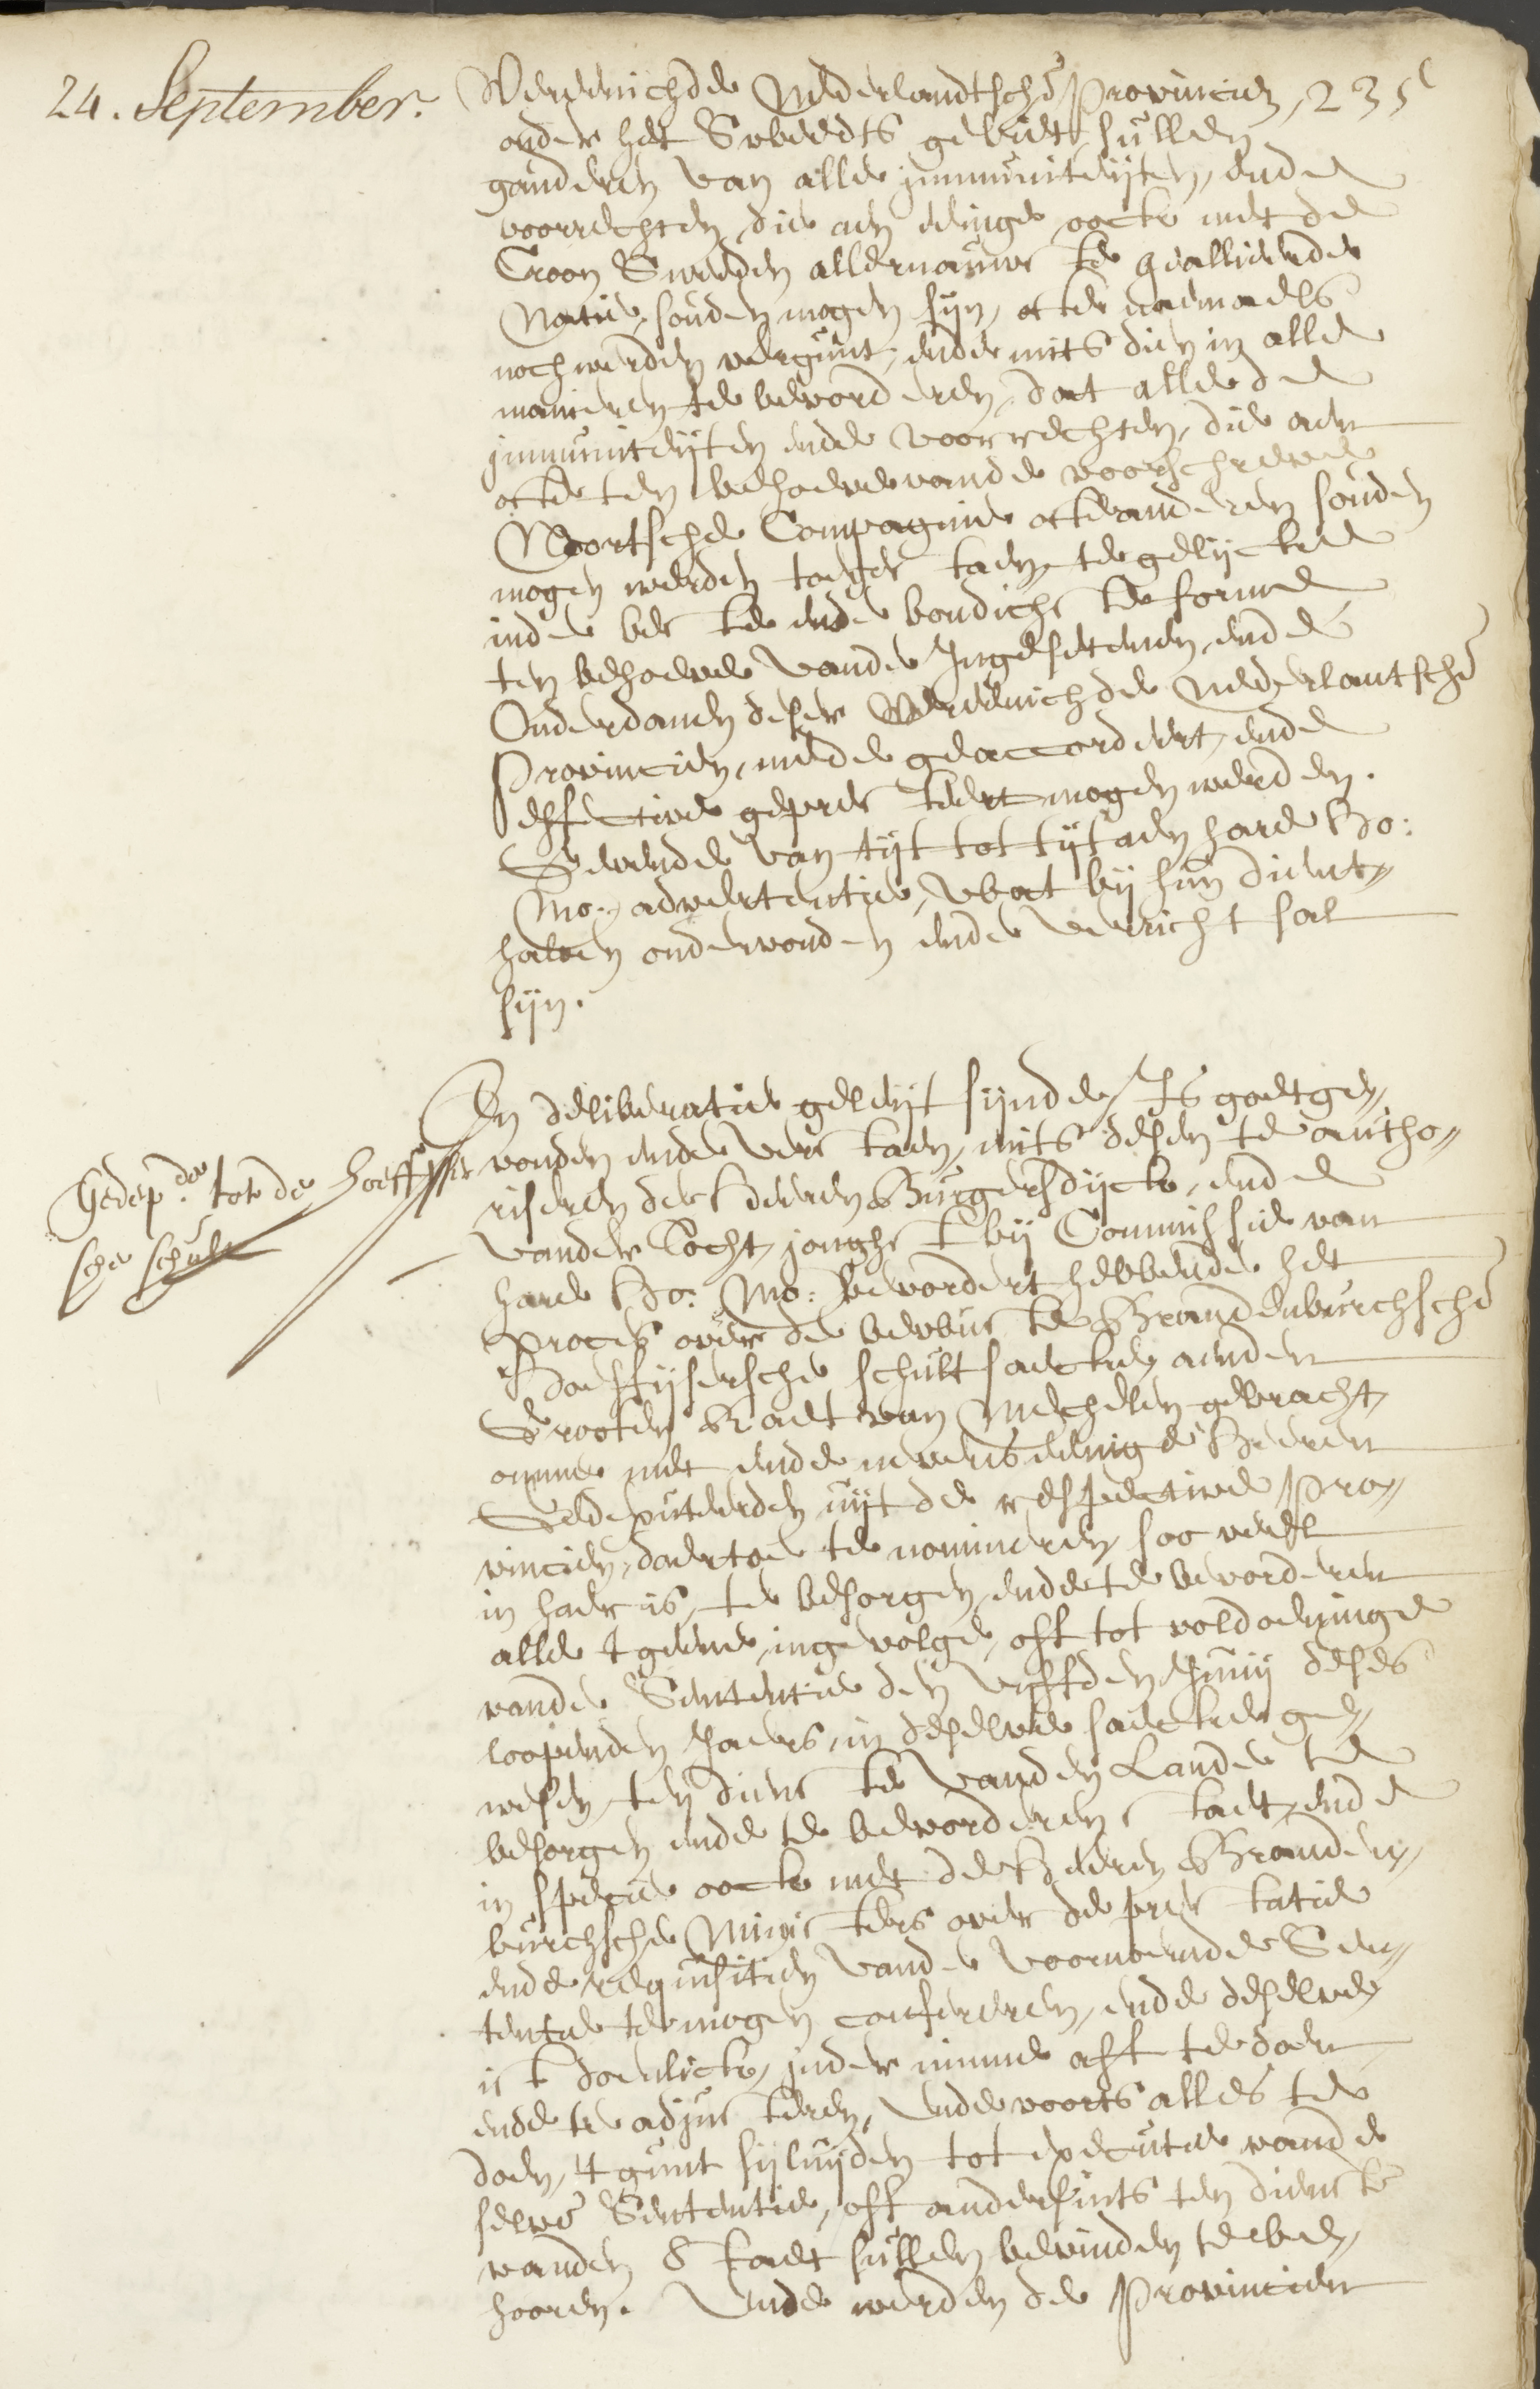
235
24. September.
Vereenichde Nederlandtsche Provincien,
onder het Sweedts gebiet sullen
ganderen van alle immuniteijten, ende
voorrechten, die aen eenige oock met de
Croon Sweeden allernauwste geallieerde
natie, souden mogen sijn, ofter naemaels
noch werden vergunt, ende mits dien in alle
manieren te bevorderen, dat alle de
immuniteijten ende voorrechten, die aen
ofte ten behoeve vande voorschreve
Noortsche Compagnie ofte anderen souden
mogen werden toegestaen, te gelijcke
inde beste ende bondichste forme
ten behoeve vande Ingesetenen, ende
Onderdanen deser Vereenichde Nederlantsche
Provincien, mede geaccordeert, ende
effective gepresteert mogen werden.
Gevende van tijt tot tijt aen hare Ho:
Mo: advertentie, wat en hun dient„
halven ondervonden ende verricht sal
sijn.
Gedepde tot de Hoeffysser
sche schult
in deliberatie geleijt sijnde, Is goetge„,
vonden ende verstaen, mits desen te autho,,
riseren de Heeren Burgersdijck, ende
vander Tocht, jonghst bij Commissie van
hare Ho:Mo: bevordert hebbende het
proces over de bewuste Brandenburchsche
Hoeffijsersche schultsaecken aenden
Grooten Raet van Mechelen gebracht,
omme niet ende nevens eenige Heeren
Gedeputeerden uijt de respective Pro,,
vincien, daertoe te nomineren, soo veel
in haer is, te besorgen, ende te bevorderen
alle 't geene, ingevolge, oft tot voldoeninge
vande Sententie den vijffden Junij deses
loopenden Jaers, in deselve saecke ge„
wesen, ten dienste vanden Lande te
besorgen ende te bevorderen staet ende
in specie oock met de Heeren Branden„
burchsche Ministers over de prestatie
ende requisitien vanden voornoemde Sen,,
tente te mogen confereren, ende deselve,
ist doenlick, inder minne aft te doen
ende te adjusteren, ende voorts alles te
doen, 't gunt sij luijden tot executie vande
selve Sententie, oft andersints ten dienste
vanden Staet sullen bevinden te be„
hooren. Ende werden de Provincien
